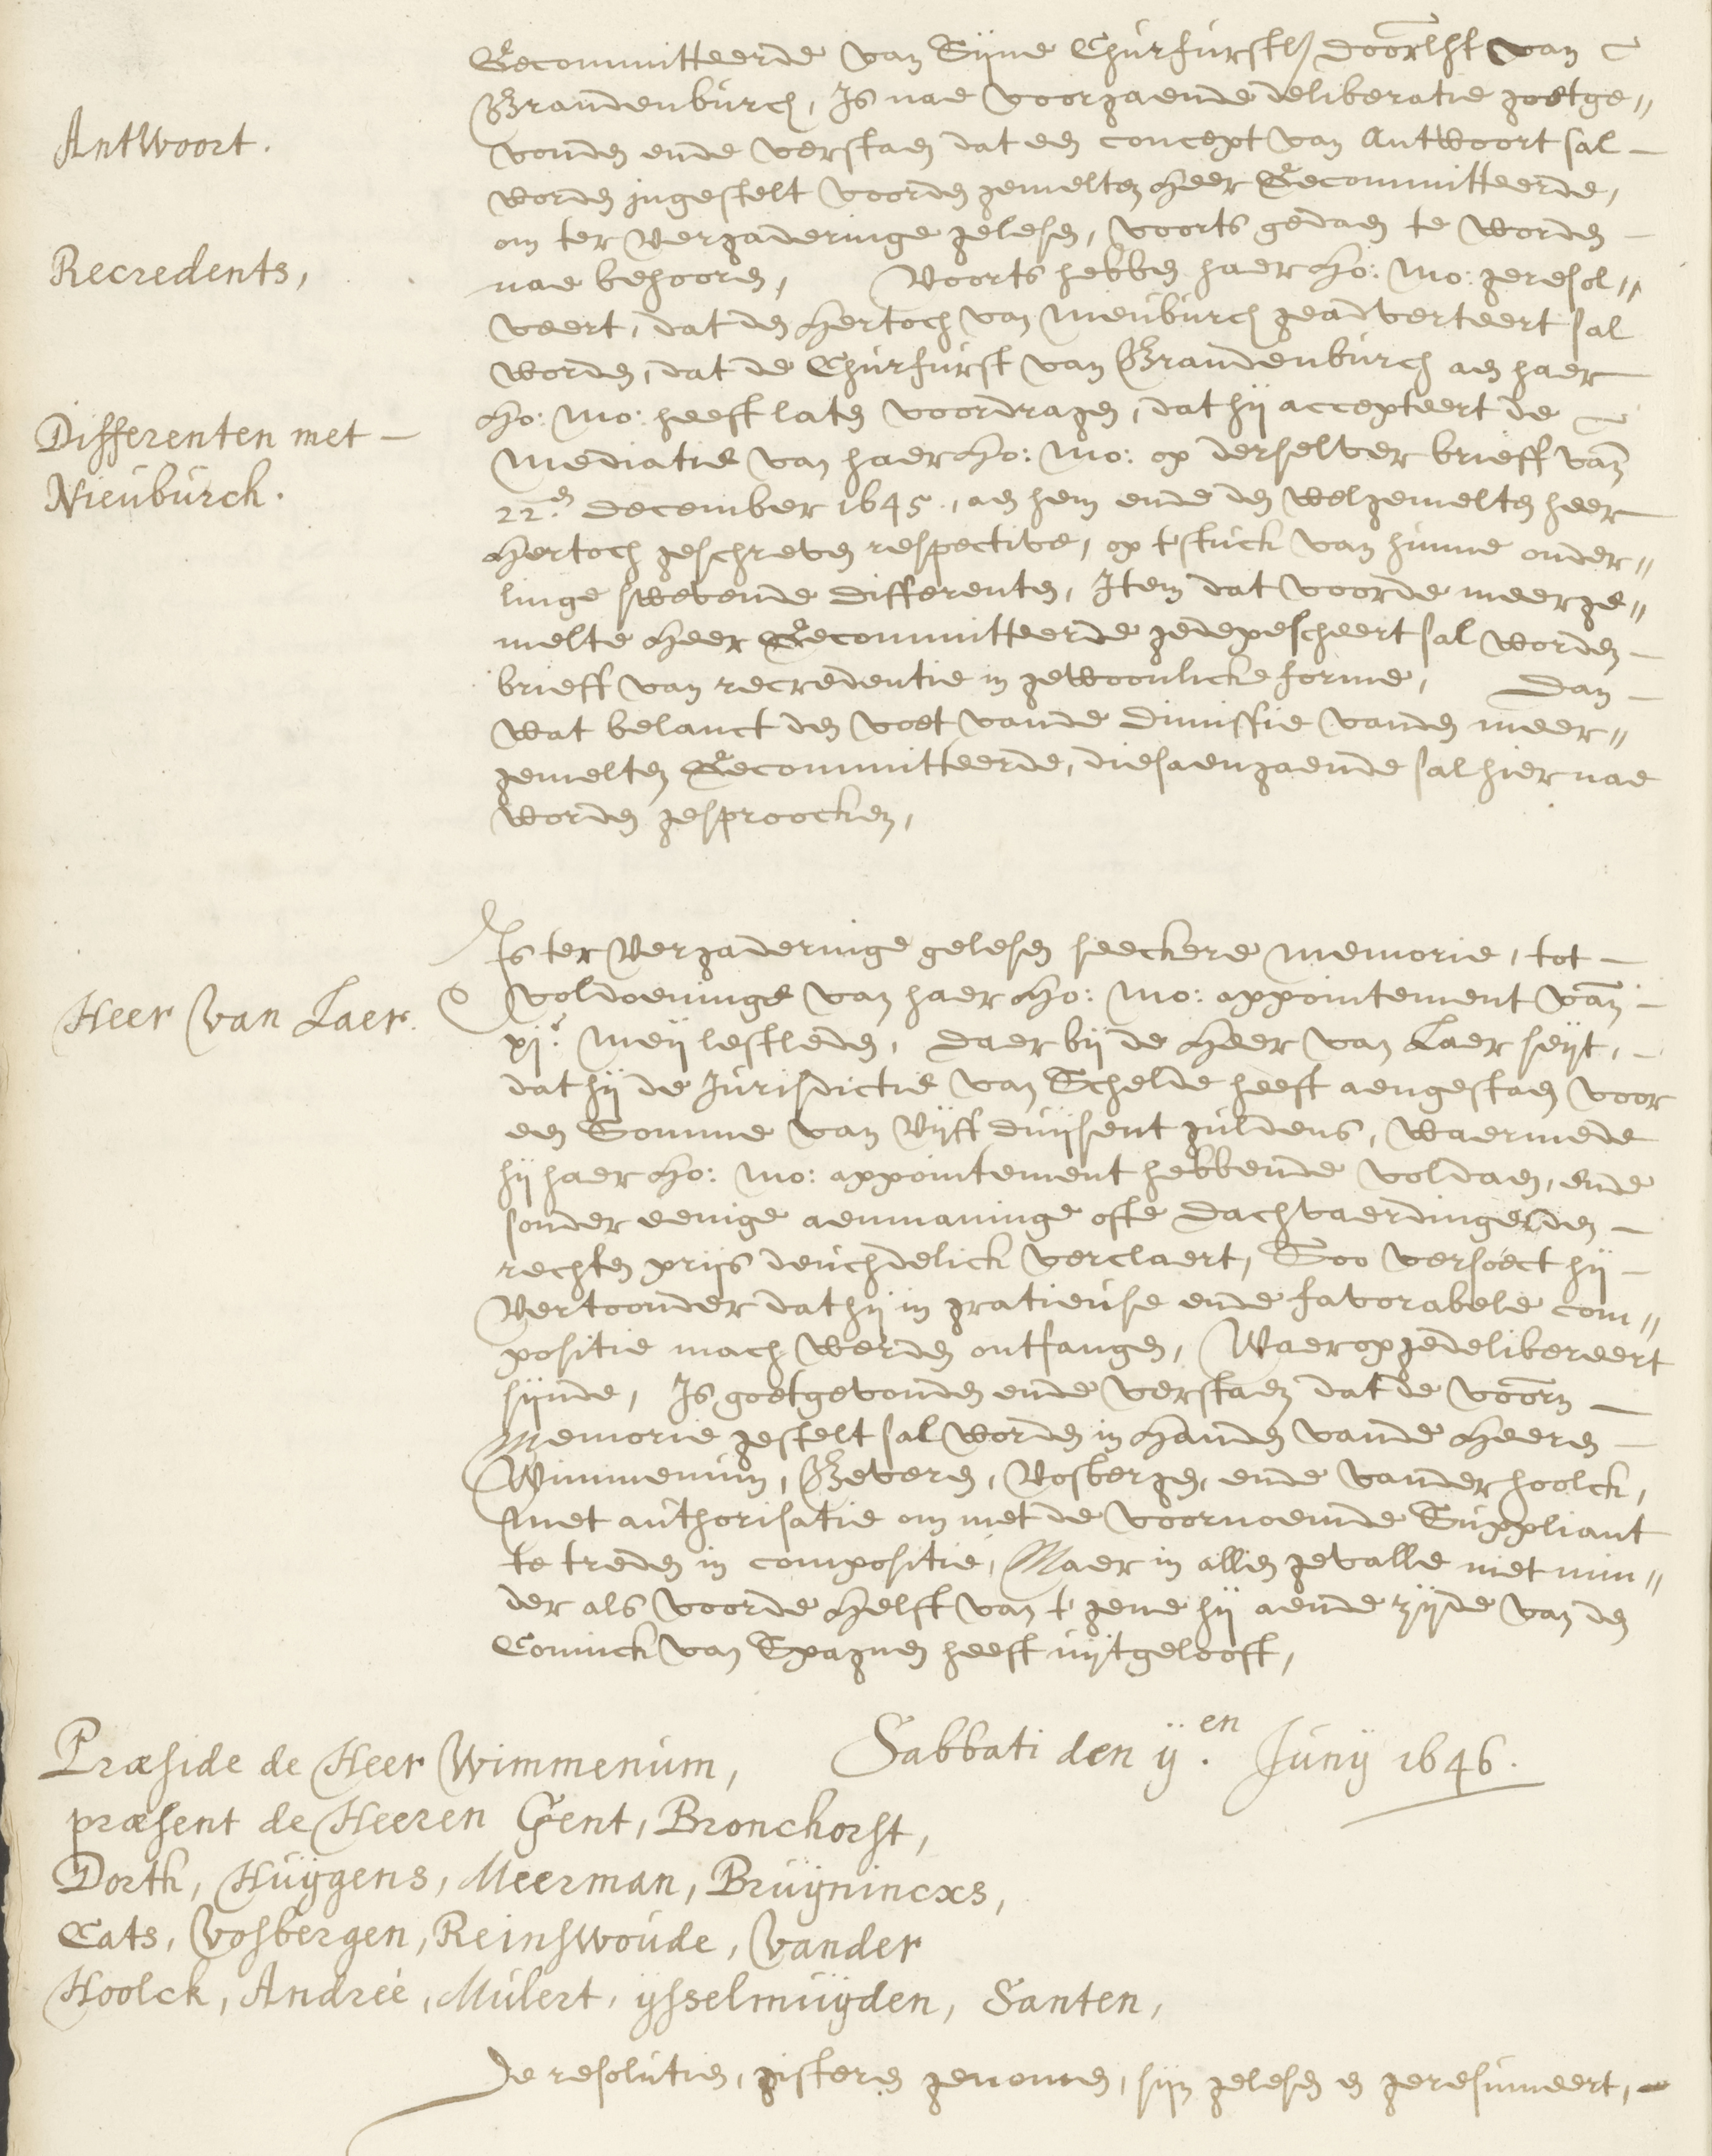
Antwoort.
Recredents,
Differenten met -
Nieuburch.
Gecommitteerde van Sijne Churfurstl Doorlht van -
Brandenburch, Is nae voorgaende deliberatie goetge„
vonden ende verstaen dat een concept van antwoort sal
worden ingestelt voorden gemelten heer Gecommitteerde,
om ter Vergaderinge gelesen, voorts gedaen te worden -
nae behooren. Voorts hebben haer Ho:Mo: geresol„
veert, dat den hertoch van Nieuburch geadverteert sal
worden, dat de Churfurst van Brandenburch aen haer
Ho:Mo: heeft laten voordragen, dat hij accepteert de —
mediatie van haer Ho:Mo: op derselver brieff van
22en. December 1645, aen hem ende den welgemelten heer
hertoch geschreven respective, op t'stuck van hunne onder„
linge swevende differenten. Item dat voorde meerge„
melte heer Gecommitteerde gedepescheert sal worden —
brieff van recredentie in gewoonlicke forme. Dan —
wat belanct den voet vande Dimissie vanden meer„
gemelten Gecommitteerde, diesaengaende sal hier nae
worden gesproocken.
Heer van Laer.
Is ter vergaderinge gelesen seeckere memorie, tot —
voldoeninge van haer Ho:Mo: appointement van
xie. meij lestleden, daer bij de heer van Laer seijt, —
dat hij de Jurisdictie van Schelde heeft aengestaen voor
een Somme van vijff duijsent guldens, waermede
hij haer Ho:Mo: appointement hebbende voldaen, ende
sonder eenige aenmaninge ofte Dachvaerdinge den —
rechten prijs deuchdelick verclaert. Soo versoect hij -
Vertoonder dat hij in gratieuse ende favorabele com„
positie mach werden ontfangen. Waerop gedelibereert
sijnde, Is goetgevonden ende verstaen dat de voorn —
Memorie gestelt sal worden in handen vande heeren —
Wimmenun, Beveren, Vosbergen, ende vander hoolck,
met authorisatie om met de voornoemde Suppliant
te treden in compositie, Maer in allen gevalle niet min„
der als voorde helft van t'gene hij aende zijde van den
Coninck van Spagnen heeft uijtgelooft.
Sabbati den ijen. Junij 1646.
Præside de Heer Wimmenum,
præsent de Heeren Gent, Bronchorst,
Dorth, Huijgens, Meerman, Bruijnincxs,
Cats, Vosbergen, Reinswoude, Vander
Hoolck, Andreé, Mulert, ijsselmuijden, Santen,
De resolutien, gisteren genomen, sijn gelesen en geresumeert, —
